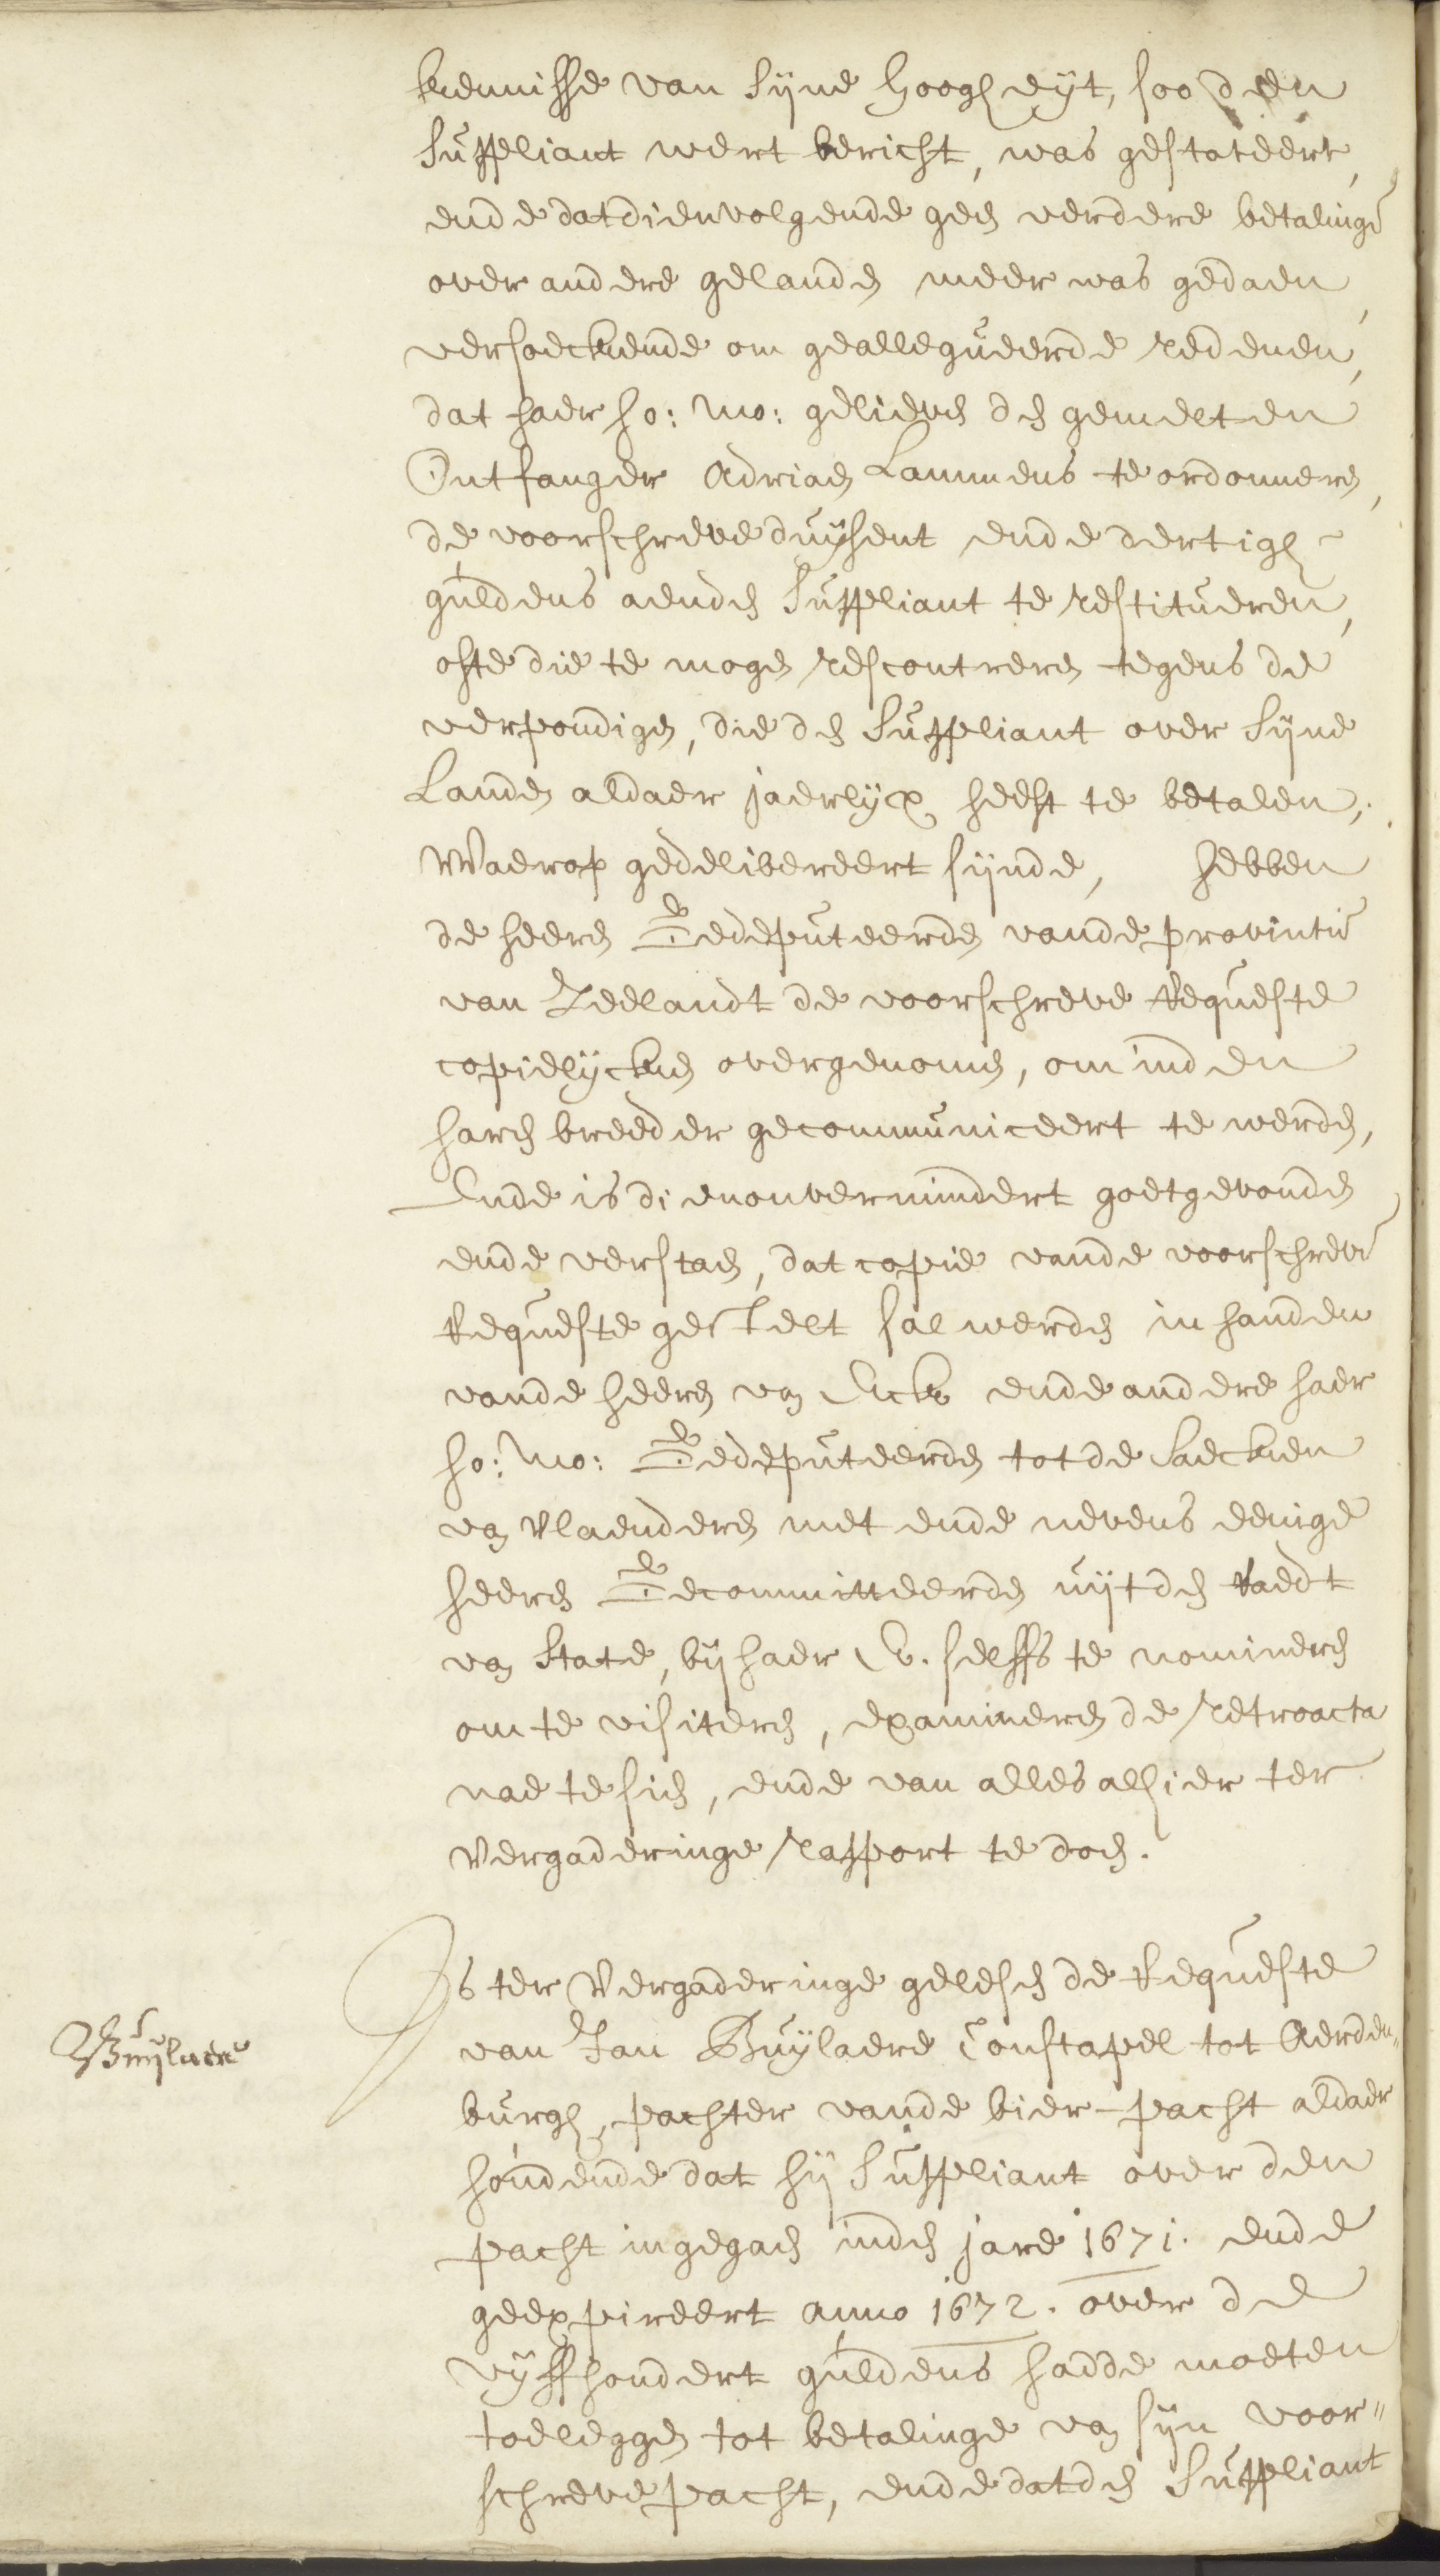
kennisse van Sijne hoogheijt, soo den
Suppliant wert bericht, was gestateert,
ende dat dienvolgende geen verdere betalinge
over andere gelanden meer was gedaen,
versoeckende om geallegueerde redenen,
dat haer ho:Mo: gelieven den gemelten
Ontfanger Adriaen Lammens te ordonneren,
de voorschreve duijsent ende dertigh
guldens aenden Suppliant te restitueren,
ofte die te mogen rescontreren tegens de
verpondigen, die den Suppliant over Sijne
Landen aldaer jaerlijcx heeft te betalen;
Waerop gedelibereert sijnde, hebben
de heeren Gedeputeerden vande provintie
van Zeelandt de voorschreve Requeste
copielijcken overgenomen, om inden
haren breeder gecommuniceert te werden,
Ende is dienonvermindert goetgevonden
ende verstaen, dat copie vande voorschreve
Requeste gestelt sal werden in handen
vande heeren van Eck ende andere haer
ho:Mo: Gedeputeerden tot de Saecken
van Vlaenderen met ende nevens eenige
heeren Gecommitteerden uijt den Raedt
van State, bij haer E. selffs te nomineren
om te visiteren, examineren de retroacta
nae te sien, ende van alles alhier ter
Vergaderinge rapport te doen.
Buijlaere
Is ter Vergaderinge gelesen de Requeste
van Jan Buijlaere Constapel tot Aerden„
burgh, pachter vande bier-pacht aldaer
houdende dat hij Suppliant over den
pacht ingegaen inden jare 1671. ende
geexpireert anno 1672. over de
vijffhondert guldens hadde moeten
toeleggen tot betalinge van sijn voor„
schreve pacht, ende dat den Suppliant
